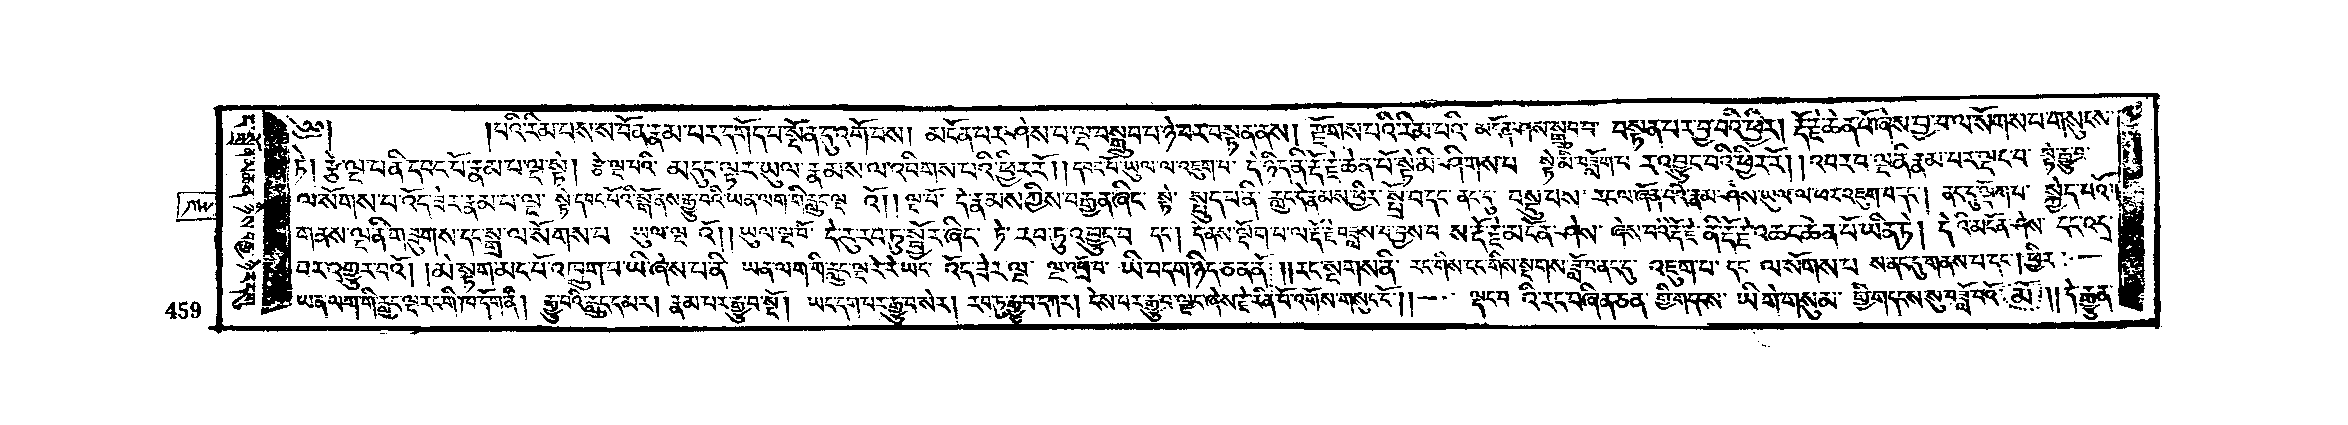༄༅། །པའི་རིམ་པས་ས་བོན་རྣམ་པར་དགོད་པ་སྔོན་དུ་འགྲོ་བས། མངོན་པར་ཤེས་པ་ལྔ་བསྒྲུབ་པ་ཉེ་བར་བསྟན་ནས། རྫོགས་པའི་རིམ་པའི་མངོན་ཤེས་སྒྲུབ་པ་བསྟན་པར་བྱ་བའི་ཕྱིར། རྡོ་རྗེ་ཆེན་པོ་ཞེས་བྱ་བ་ལ་སོགས་པ་གསུངས་
ཏེ། རྩེ་ལྔ་པ་ནི་དབང་པོ་རྣམ་པ་ལྔ་སྟེ། རྩེ་ལྔ་པའི་མདུང་ལྟར་ཡུལ་རྣམས་ལ་འབིགས་པའི་ཕྱིར་རོ། །དབང་པོ་ཡུལ་ལ་འཇུག་པ་དེ་ཉིད་ནི་རྡོ་རྗེ་ཆེན་པོ་སྟེ་མི་ཤིགས་པ་སྟེ་མི་བཟློག་པར་འབྱུང་བའི་ཕྱིར་རོ། །འབར་བ་ལྔ་ནི་རྣམ་པར་ལྡང་བ་སྟེ་རྒྱུབ་
ལ་སོགས་པ་འོད་ཟེར་རྣམ་པ་ལྔ་སྟེ་དབང་པོའི་སྒོ་ནས་རྒྱུ་བའི་ཡན་ལག་གི་རླུང་ལྔའོ། །ལྔ་པོ་དེ་རྣམས་ཀྱིས་བརྒྱན་ཞིང་སྟེ་སྤུད་པ་ནི་རླུང་དེ་རྣམས་ཕྱིར་སྤྲོ་བ་དང་ནང་དུ་བསྡུ་པས་རང་ལ་ཞོན་པའི་རྣམ་ཤེས་ཡུལ་ལ་ཕར་འཇུག་པ་དང་། ནང་དུ་ལྡོག་པ་སྐྱེད་པའོ།།
གནས་ལྔ་ནི་གཟུགས་དང་སྒྲ་ལ་སོགས་པ་ཡུལ་ལྔའོ། །ཡུལ་ལྔ་པོ་དེ་རུ་རབ་ཏུ་སྦྱོར་ཞིང་ཏེ་རབ་ཏུ་འབྱུང་བ་དང་། དེ་ནས་ལྡོག་པ་ལ་རྡོ་རྗེ་བཟླས་པ་བྱས་པས་རྡོ་རྗེ་མངོན་ཤེས་ཞེས་པའི་རྡོ་རྗེ་ནི་རྡོ་རྗེ་འཆང་ཆེན་པོ་ཡིན་ཏེ། དེའི་མངོན་ཤེས་དང་འདྲ་
བར་འགྱུར་བའོ། །མེ་སྟག་མང་པོ་འཁྲུག་པ་ཡི་ཞེས་པ་ནི་ཡན་ལག་གི་རླུང་ལྔ་རེ་རེ་ཡང་འོད་ཟེར་ལྔ་ལྔ་འཕྲོ་བ་ཡི་བདག་ཉིད་ཅན་ནོ། །རང་སྔགས་ནི་རང་གིས་ངང་གི་སྔགས་བཟློ་བ་ནང་དུ་འཇུག་པ་དང་ལ་སོགས་པས་ནང་དུ་གནས་པ་དང་། ཕྱིརཿ
ཡན་ལག་གི་རླུང་ལྔ་རང་གི་ཁ་དོག་ནི། རྒྱུ་བའི་རླུང་དམར། རྣམ་པར་རྒྱུ་བ་སྔོ། ཡང་དག་པར་གྱུ་བ་སེར། རབ་ཏུ་རྒྱུ་བ་དཀར། ངེས་པར་རྒྱུ་བ་ལྡང་ཞེས་རྗེ་རིན་པོ་འགོས་གསུང་ངོ།།.H ལྡང་བའི་རང་བཞིན་ཅན་གྱི་གདངས་ཡི་གེ་གསུམ་གྱི་གདངས་སུ་བཟློ་བའོ་མོ། །དེ་རྒྱུན་